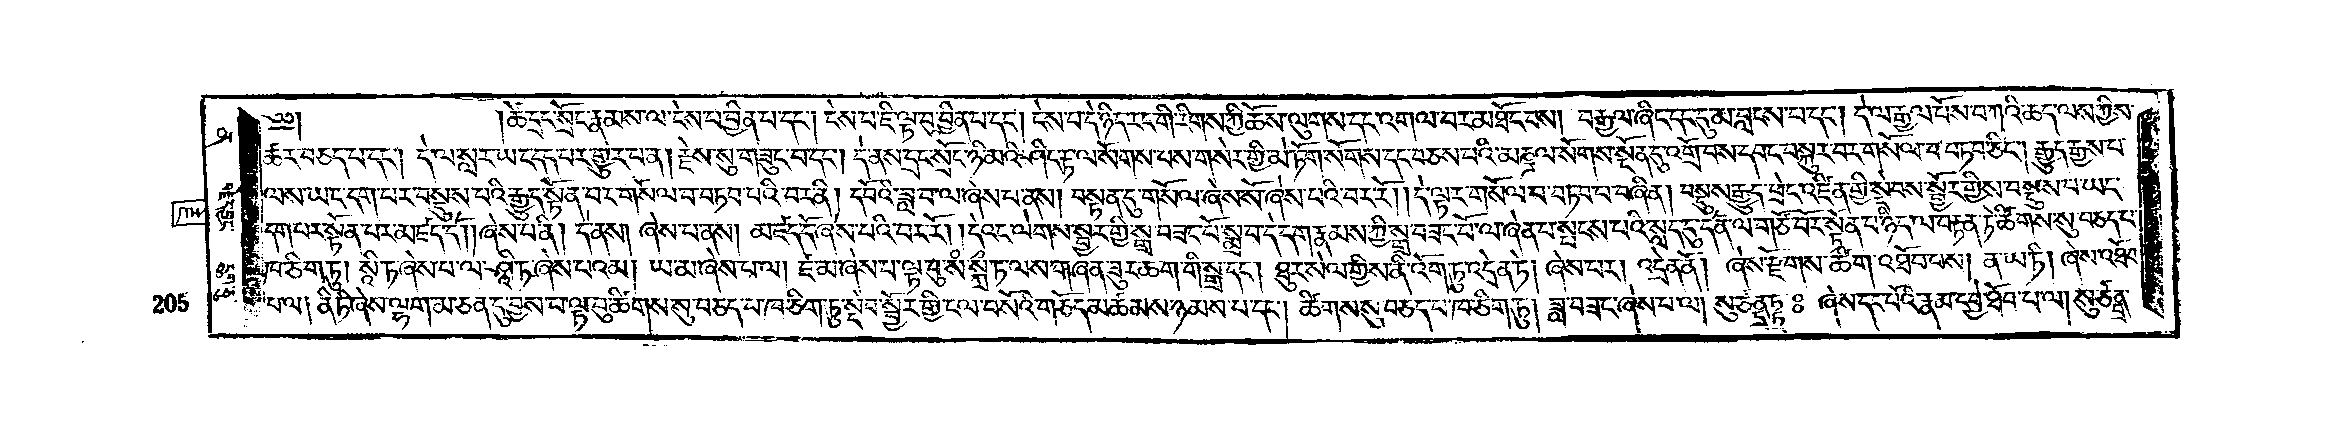༄༅། །ཚེ་དྲང་སྲོང་རྣམས་ལ་ངེས་པ་བྱིན་པ་དང་། ངེས་པ་ཇི་ལྟ་བུ་བྱིན་པ་དང་། ངེས་པ་དེ་ཉིད་རང་གི་རིགས་ཀྱི་ཆོས་ལུགས་དང་འགལ་བར་མཐོང་བས། བརྒྱལ་ཞིང་དང་དུ་མ་བླངས་པ་དང་། དེ་ལ་རྒྱལ་པོས་བཀའི་ཆད་ལས་ཀྱིས་
ཚར་བཅད་པ་དང་། དེ་ལ་སླར་ཡང་དད་པར་གྱུར་པ་ན། རྗེས་སུ་གཟུང་བ་དང་། དེ་ནས་དྲང་སྲོང་ཉི་མའི་ཤིང་རྟ་ལ་སོགས་པས་གསེར་གྱི་མེ་ཏོག་སོགས་དང་བཅས་པའི་མཎྜལ་སོགས་སྔོན་དུ་འགྲོ་བས་དབང་བསྐུར་བར་གསོལ་བ་བཏབ་ཅིང་། རྒྱུད་རྒྱས་པ་
ལས་ཡང་དག་པར་བསྡུས་པའི་རྒྱུད་སྟོན་པར་གསོལ་བ་བཏབ་པའི་བར་ནི། དབོའི་ཟླ་བ་ལ་ཞེས་པ་ནས། བསྟན་དུ་གསོལ་ཞེས་སོ་ཞེས་པའི་བར་རོ། །དེ་ལྟར་གསོལ་བ་བཏབ་པ་བཞིན། བསྡུས་རྒྱུད་ཕྲེང་འཛིན་གྱི་སྡེབས་སྦྱོར་གྱིས་བསྡུས་པ་ཡང་
དག་པར་སྟོན་པར་མཛད་དོ། །ཞེས་པ་ནི། དེ་ནས། ཞེས་པ་ནས། མཛད་དོ་ཞེས་པའི་བར་རོ། །དེའང་ལེགས་སྦྱར་གྱི་སྒྲ་བཟང་པོ་སྨྲ་བ་དེ་དག་རྣམས་ཀྱི་སྒྲ་བཟང་པོ་ལ་ཞེན་པ་སྤངས་པའི་སླད་དུ་དོན་ལ་གཙོ་བོར་སྟོན་པ་ཉིད་ལ་བརྟེན་ཏེ་ཚིགས་སུ་བཅད་པ་
ཁ་ཅིག་ཏུ། སཱི་ཏ་ཞེས་པ་ལ་ཤཱི་ཏ་ཞེས་པའམ། ཡ་མ་ཞེས་པ་ལ། ཛ་མ་ཞེས་པ་ལྟ་བུ་སཾ་སྐྲྀ་ཏ་ལས་གཞན་ཟུར་ཆག་གི་སྒྲ་དང་། ཐུར་སེལ་གྱིས་ནི་འོག་ཏུ་འདྲེན་ཏེ། ཞེས་པར། འདྲེན་ནོ། ཞེས་རྫོགས་ཚིག་འཐོབ་པས། ན་ཡ་ཏི། ཞེས་འཐོབ་
པ་ལ། ནི་ཏི་ཞེས་ལྷག་མ་ཅན་དུ་བྱས་པ་ལྟ་བུ་ཚིགས་སུ་བཅད་པ་ཁ་ཅིག་ཏུ་སྡེབ་སྦྱོར་གྱི་ངལ་བསོའི་གཅོད་མཚམས་ཉམས་པ་དང་། ཚིགས་སུ་བཅད་པ་ཁ་ཅིག་ཏུ། ཟླ་བཟང་ཞེས་པ་ལ། སུ་ཙནྡྲ་ཏྟྲཿ ཞེས་དང་པོའི་རྣམ་དབྱེ་ཐོབ་པ་ལ། སུ་ཙནྡྲ་